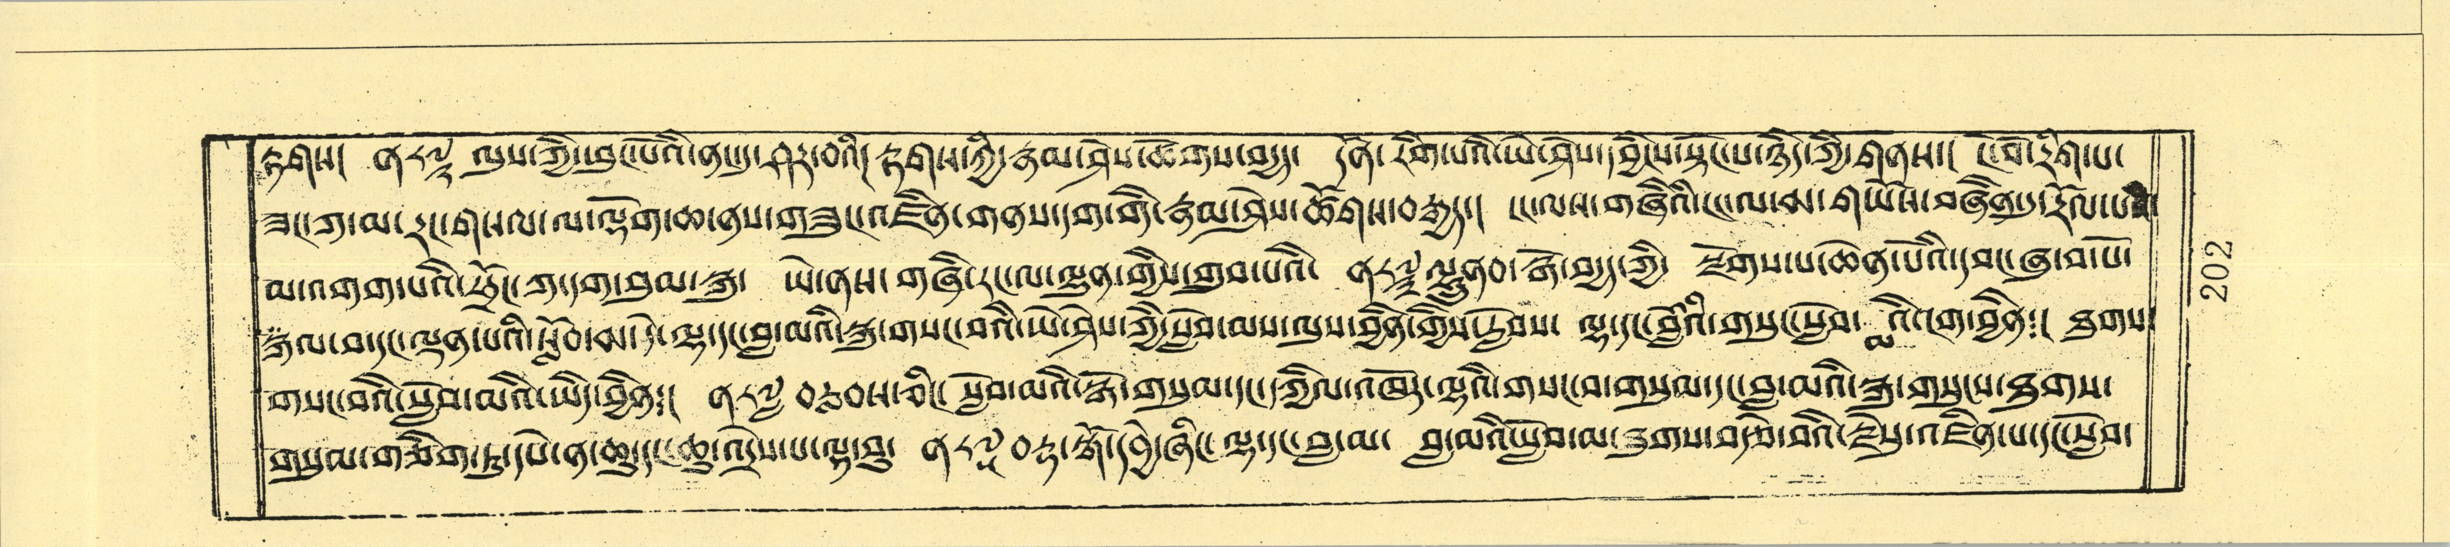རྟགས་ ན༨༧།༢ ལུས་ཀྱི་ཕུང་པོའི་ནང་དུ་ ཤར་བའི།རྟགས་ཀྱི་༽རྣམ་ཤེས་ཚོགས་བརྒྱད། དོན་རིག་པའི་ཡེ་ཤེས་དབྱིངས་སྟོང་པ་ཉིད་ཀྱི་གནས་ ངོ་བོ་རིག་པ་
ཟང་ཀ་མ་རང་གསལ་ལ་ལྡོག་ཆ་ནས་གཟུང་འཛིན་གནས་དག་གི་རྣམ་ཤེས་ཚོགས་བརྒྱད། ངང་ལས་གཞིའི་ངང་ལ་མ་གཡོས་བཞིན་དུ་རོལ་པ་
མ་འགག་པའི་ཕོ་བྲང་ཀ་དག་བུམ་སྐུ། ཡེ་ནས་གཞི་རང་ལ་ལྷུན་གྱིས་གྲུབ་པའི། ན༨༧།༣ ལྷུན་གྲུབ་སྒོ་བརྒྱད་ཀྱི། རྫོགས་པ་ཆེན་པོའི་དབང་ཞུ་བ་པོ་
སྐལ་བ་དང་ལྡན་པའི་སློབ་མ་དེ་ལྷ་དང་བླ་མའི་སྐུ་གསང་བའི་ཡེ་ཤེས་ཀྱི་སློབ་མས་ལུས་བྱིན་གྱིས་རློབས། ལྷ་དང་བླ་མའི་གསུང་སློབ་མའི་ངག་བྱིན་གྱིས་རློབས། ཐུགས་
གསང་བའི་སློབ་མའི་ཡིད་བྱིན་གྱིས་རློབས། ན༨༧།༤ བརླབས་ཅིང་སློབ་མའི་སྒོ་གསུམ་དང་དཀྱིལ་འཁོར་ལྷའི་གསང་བ་གསུམ་དང་བླ་མའི་སྐུ་གསུང་ཐུགས་
གསུམ་གཅིག་ཏུ་དཔེ་ན་ཆུ་དང་ཆུ་འདྲེས་པ་ལྟ་བུ། ན༨༧།༥ བརྡ་སྒོ་དབྱེ་ཞིང་ལྷ་དང་བླ་མ། བླ་མའི་སློབ་མ་ཐུགས་བརྩེ་བའི་རྗེས་སུ་འཛིན་པ་དང་སློབ་